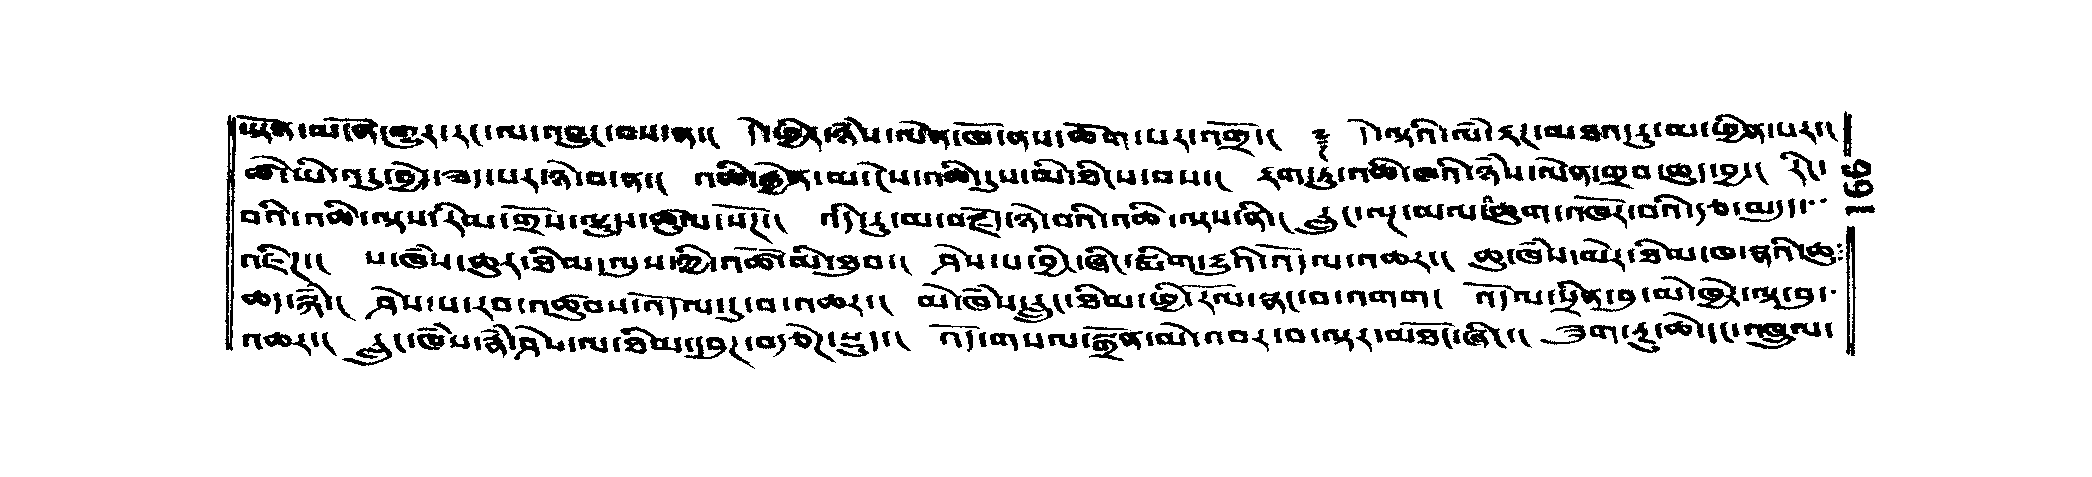ཡོན་ཏན་མངོན་གྱུར་རང་ལ་འབྱུང་བས་ན། །དེ་ཕྱིར་ཉམས་ལེན་ཁོ་ནས་ཆོག་པར་འགྲོ། ༈ དེ་ལྟའི་ལམ་རྟགས་མཐའ་རུ་མ་ཕྱིན་པར། །
ཚེ་ཡི་འདུ་བྱེད་ཟད་པར་ཉེ་བ་ན། །འཆི་རྐྱེན་མ་ངེས་འཆི་དུས་མི་ཐིངས་བས། །རྟག་ཏུ་འཆི་ཁའི་ཉམས་ལེན་གྲབས་ཆུད་བྱ། རིང་
བའི་འཆི་ལྟས་རིམ་གྲོས་སླུས་ཚུལ་སོགས། །འདི་རུ་མ་བརྗོད་ཉེ་བའི་འཆི་ལྟས་ནི། །རླུང་ལྔ་མལ་འཆུག་འཁོར་བའི་རྩ་མདུད་
འཇིག །ས་ཁམས་ཆུར་ཐིམ་ལུས་ཀྱི་འཚེ་མི་ཐུབ། །ཤེས་པ་བྱིང་ཞིང་སྨིག་རྒྱུའི་འོད་གསལ་འཆར། །ཆུ་ཁམས་མེར་ཐིམ་ཁ་སྣའི་ཆུ་
ཆད་སྐམ། །ཤེས་པ་རབ་འཚུབས་འོད་གསལ་དུ་བ་འཆར། །མེ་ཁམས་རླུང་ཐིམ་ཕྱི་རོལ་སྣང་བ་འགགས། །འོད་གསལ་སྲིན་བུ་མེ་ཁྱེར་ལྟ་བུ་
འཆར། །རླུང་ཁམས་རྣམ་ཤེས་ལ་ཐིམ་དབུགས་བརྩེགས་སྡུད། །འོད་གསལ་སྒྲོན་མེ་འབར་བ་ལྟར་མཐོང་ཞིང་།ཟུག་རྔུ་ཆེ་དང་འཁྲུལ་